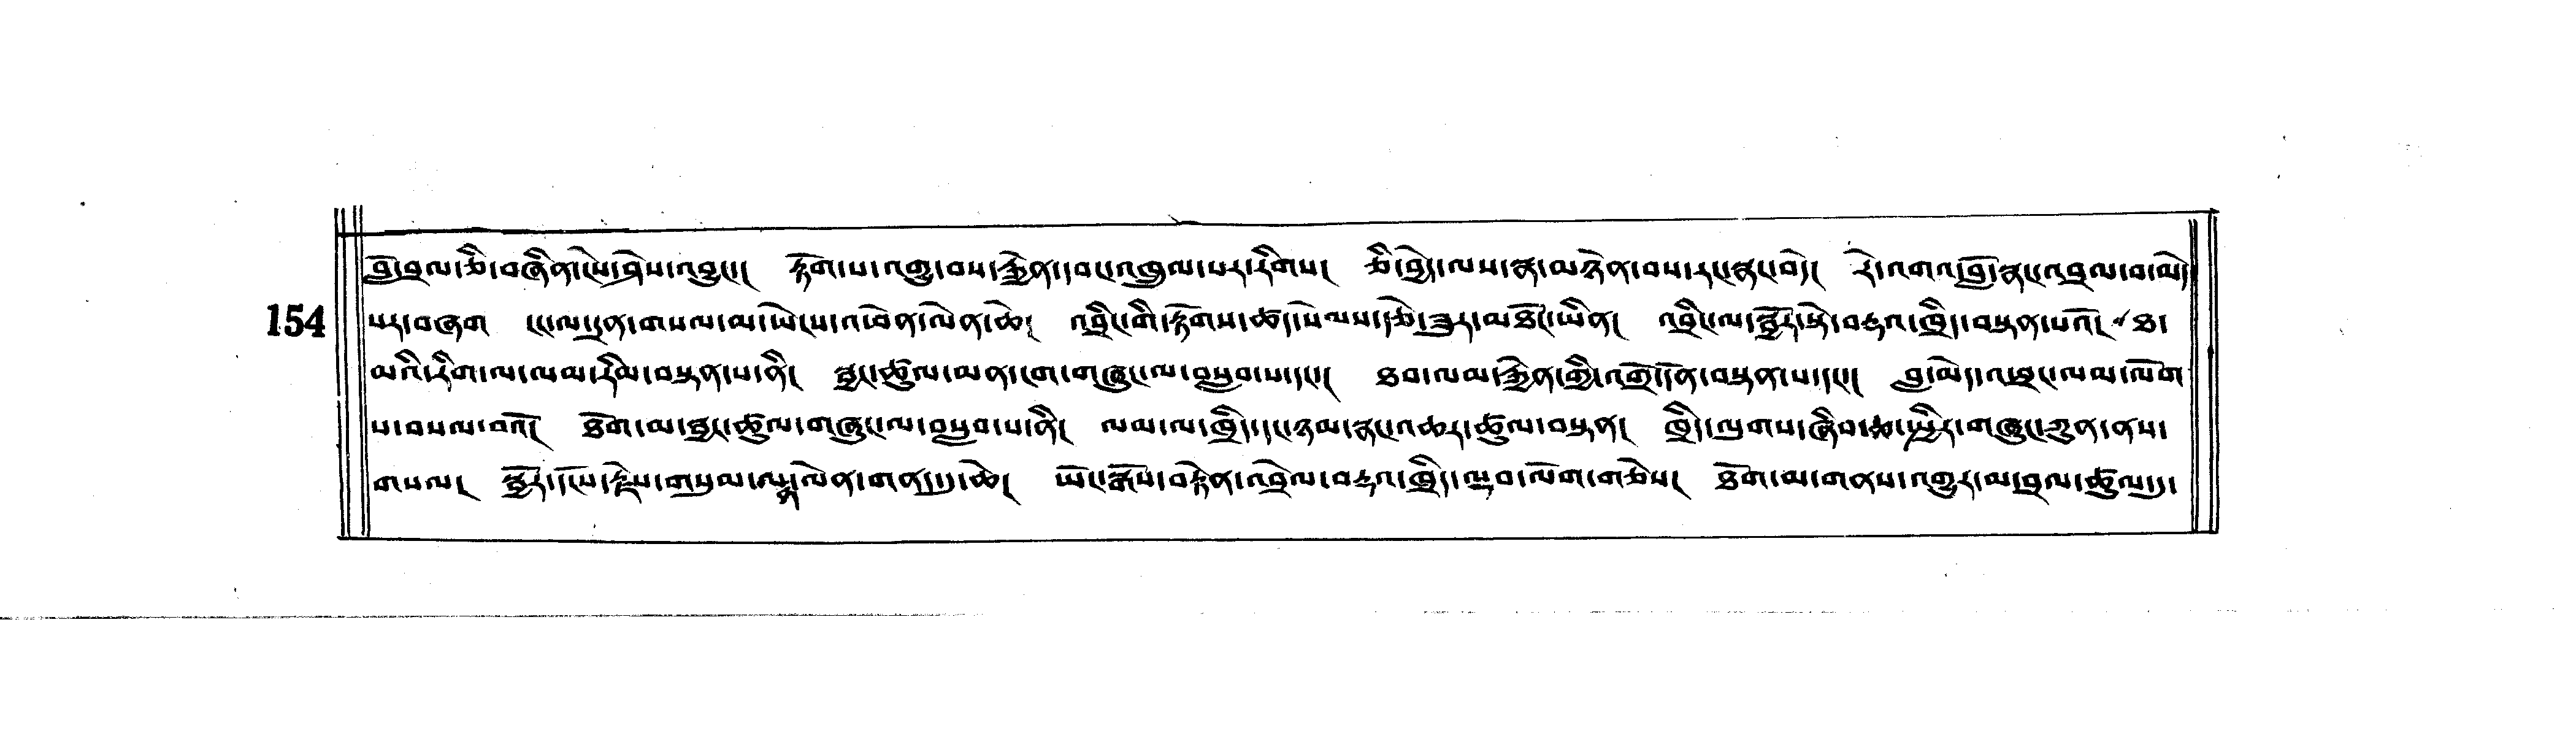བློ་བྲལ་ཅི་བཞིན་ངེས་ཤེས་འབྱུང་། རྟོག་པ་འགྱུ་བས་རྐྱེན་དབང་འཁྲུལ་པར་རིགས། ཅི་བྱེད་ལས་སྣ་གཉེན་པས་རང་སྣང་བདེ། རེ་འགའ་བློ་སྣང་འབྲལ་བ་མེད་
པར་བཞག ངང་ལ་དྲན་གསལ་མ་ཡེངས་འཕེན་ལས་ཆེ། འབྲིང་གི་རྟོགས་ཚད་སེམས་རྩེ་ཟུར་མཐོང་ཡིན། འབྲིང་ལ་སྦྱོར་ཏེ་བརྡ་ཁྲིད་བསྟན་པའོ། ༧ ཐ་
མའི་རིགས་ལ་ལམ་རིམ་བསྟན་པ་ནི། སྦྱང་ཚུལ་མན་ངག་གཞུང་ལ་བསླབ་པ་དང་། ཐབས་ལམ་རྐྱེན་གྱི་འགྲོ་དོན་བསྟན་པ་དང་། བླ་མེད་འཕྲང་ལམ་ལོག་
པ་བསལ་བའོ། ཐོག་མ་སྦྱང་ཚུལ་གཞུང་ལ་བསླབ་པ་ནི། ལམ་ལ་ཁྲིད་དང་ཉམས་སྣང་འཆར་ཚུལ་བསྟན། ཁྲིད་ལུགས་ཞིབ་ཆ་སྤྱིར་གཞུང་ཀུན་ནས་
གསལ། སྦྱོར་དངོས་རྗེས་གསུམ་ལག་ལེན་གནད་དུ་ཆེ། ཡོང་སྒོས་རྟེན་འབྲེལ་བརྡ་ཁྲིད་ལྡབ་ལོག་གཅེས། ཐོག་མ་གནས་འགྱུར་མ་བྲལ་ཚུལ་དུ་